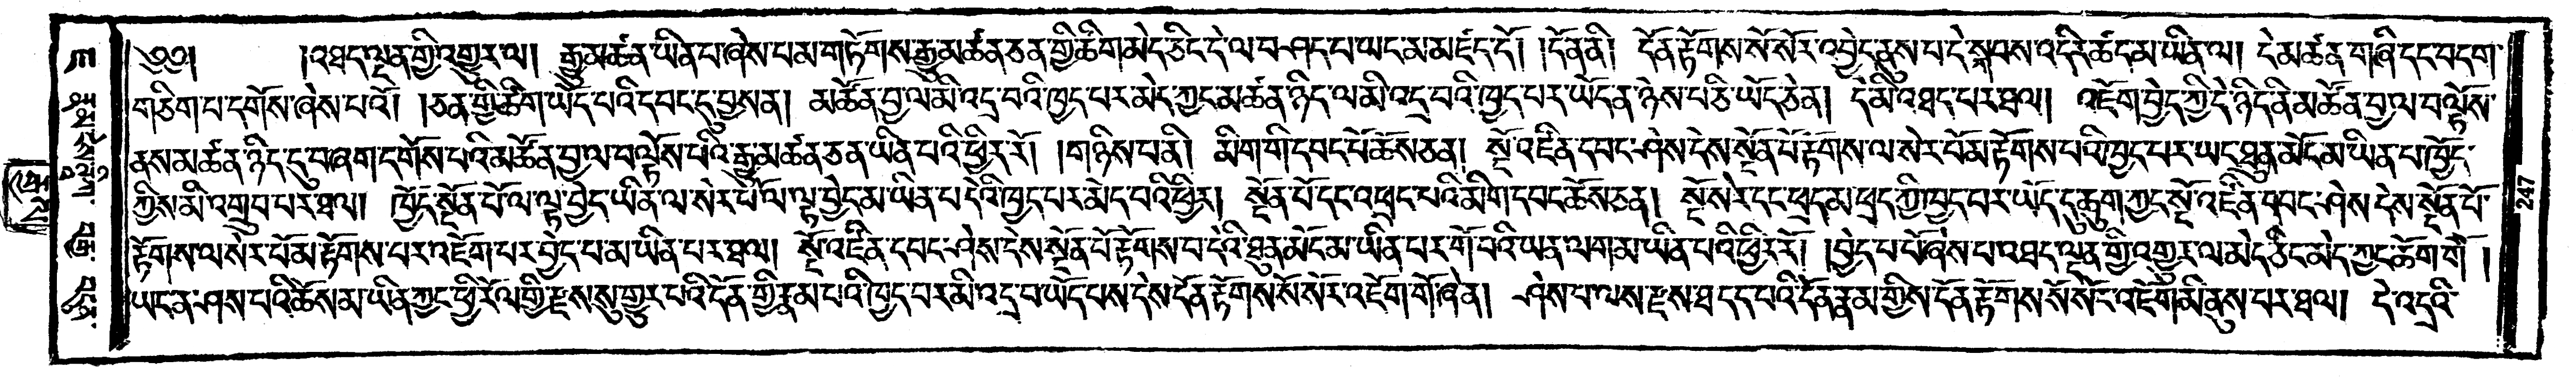༄༅། །འཐད་ལྡན་གྱི་འགྱུར་ལ། རྒྱུ་མཚན་ཡིན་པ་ཞེས་པ་མ་གཏོགས་རྒྱུ་མཚན་ཅན་གྱི་ཚིག་མེད་ཅིང་དེ་ལ་བཤད་པ་ཡང་མ་མཛད་དོ། །དོན་ནི། དོན་རྟོགས་སོ་སོར་འབྱེད་ནུས་པ་དེ་སྐབས་འདིར་ཚད་མ་ཡིན་ལ། དེ་མཚན་གཞི་དང་བདག་
གཅིག་པ་དགོས་ཞེས་པའོ། །ཅན་གྱི་ཚིག་ཡོད་པའི་དབང་དུ་བྱས་ན། མཚོན་བྱ་ལ་མི་འདྲ་བའི་ཁྱད་པར་མེད་ཀྱང་མཚན་ཉིད་ལ་མི་འདྲ་བའི་ཁྱད་པར་ཡོད་ན་ཉེས་པ་ཅི་ཡོད་ཅེ་ན། དེ་མི་འཐད་པར་ཐལ། འཇོག་བྱེད་ཀྱི་དེ་ཉིད་ནི་མཚོན་བྱ་ལ་བལྟོས་
ནས་མཚན་ཉིད་དུ་བཞག་དགོས་པའི་མཚོན་བྱ་ལ་བལྟོས་པའི་རྒྱུ་མཚན་ཅན་ཡིན་པའི་ཕྱིར་རོ། །གཉིས་པ་ནི། མིག་གི་དབང་པོ་ཆོས་ཅན། སྔོ་འཛིན་དབང་ཤེས་དེས་སྔོན་པོ་རྟོགས་ལ་སེར་པོ་མ་རྟོགས་པའི་ཁྱད་པར་ཡང་ཐུན་མོང་མ་ཡིན་པ་ཁྱོད་
ཀྱིས་མི་འགྲུབ་པར་ཐལ། ཁྱོད་སྔོན་པོ་ལ་ལྟ་བྱེད་ཡིན་ལ་སེར་པོ་ལ་ལྟ་བྱེད་མ་ཡིན་པ་དེའི་ཁྱད་པར་མེད་པའི་ཕྱིར། སྔོན་པོ་དང་འཕྲད་པའི་མིག་དབང་ཆོས་ཅན། སྔོ་སེར་དང་ཕྲད་མ་ཕྲད་ཀྱི་ཁྱད་པར་ཡོད་དུ་ཆུག་ཀྱང་སྔོ་འཛིན་དབང་ཤེས་དེས་སྔོན་པོ་
རྟོགས་ལ་སེར་པོ་མ་རྟོགས་པར་འཇོག་པར་བྱེད་པ་མ་ཡིན་པར་ཐལ། སྔོ་འཛིན་དབང་ཤེས་དེས་སྔོན་པོ་རྟོགས་པ་དེའི་ཐུན་མོང་མ་ཡིན་པར་གོ་བའི་ཡན་ལག་མ་ཡིན་པའི་ཕྱིར་རོ། །བྱེད་པ་པོ་ཞེས་པ་འཐད་ལྡན་གྱི་འགྱུར་ལ་མེད་ཅིང་མེད་ཀྱང་ཆོག་གོ །
ཡང་ན་ཤེས་པའི་ཆོས་མ་ཡིན་ཀྱང་ཕྱི་རོལ་གྱི་རྫས་སུ་གྱུར་པའི་དོན་གྱི་རྣམ་པའི་ཁྱད་པར་མི་འདྲ་བ་ཡོད་པས་དེས་དོན་རྟོགས་སོ་སོར་འཇོག་གོ་ཞེ་ན། ཤེས་པ་ལས་རྫས་ཐ་དད་པའི་དོན་རྣམ་གྱིས་དོན་རྟོགས་སོ་སོར་འཇོག་མི་ནུས་པར་ཐལ། དེ་འདྲའི་